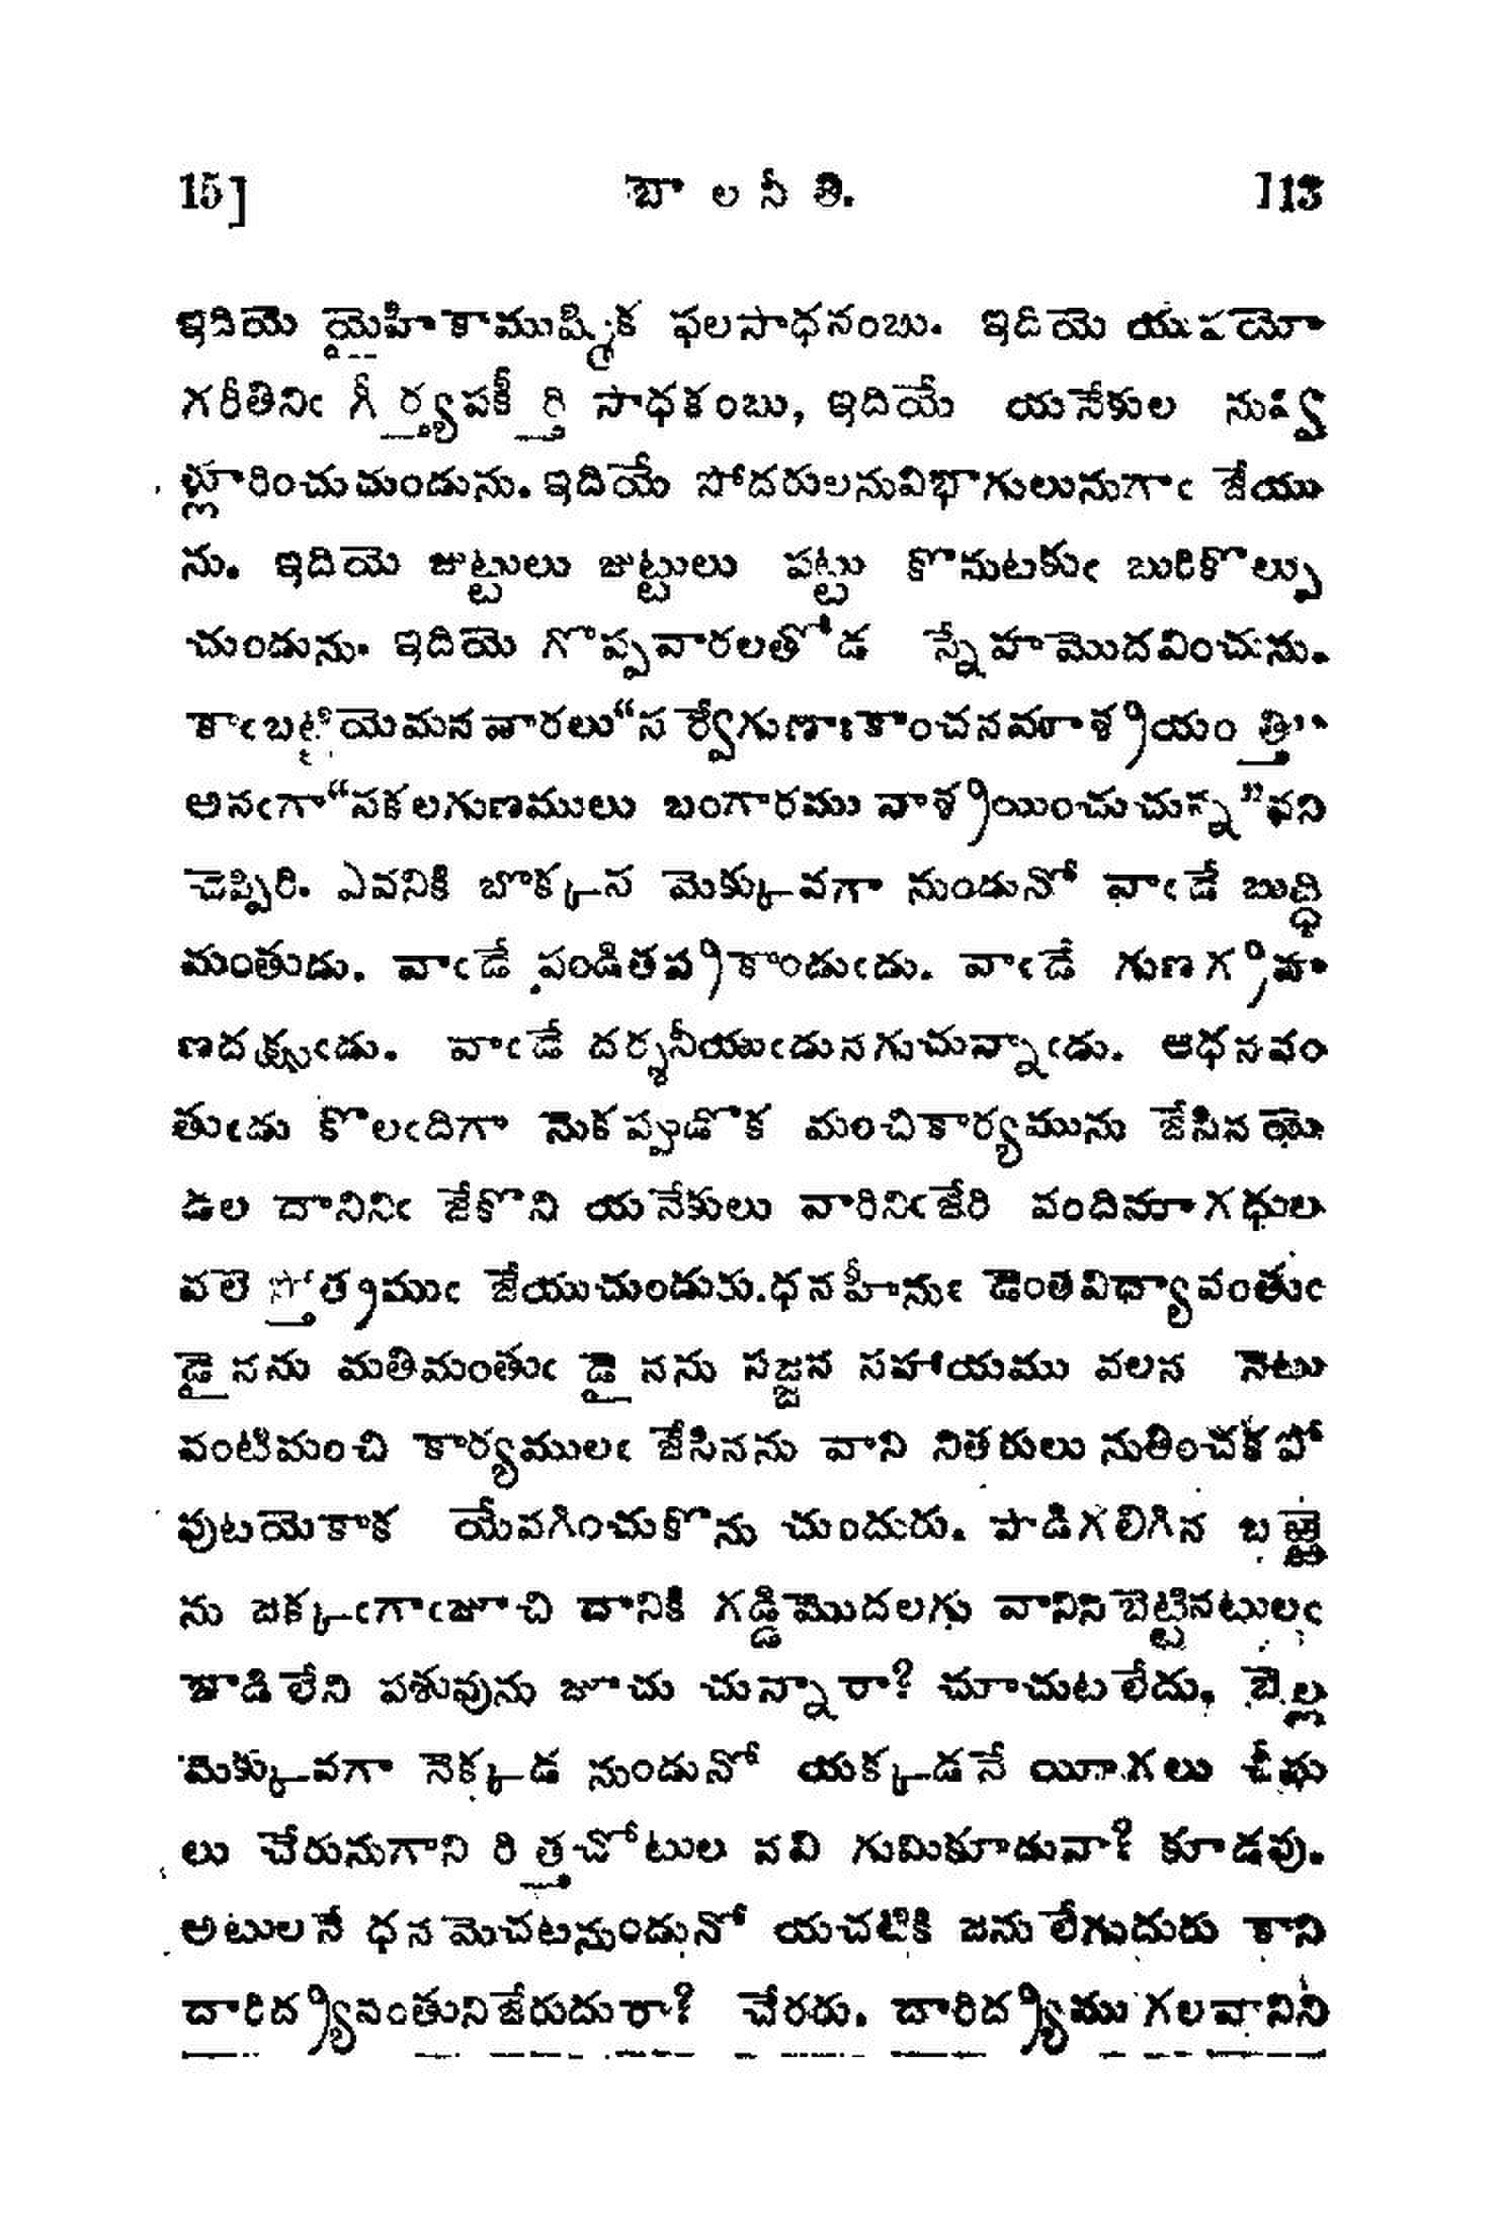ఇదియె యైహికాముష్మిక ఫలసాధనము. ఇదియె యుపయో
గరీతినిఁ గీర్త్యపకీర్తి సాధకంబు, ఇదియే యనేకుల నువ్వి
ళ్లూరించుచుండును. ఇదియె సోదరులనువిభాగులునుగాఁ జేయు
ను. ఇదియె జుట్టులు జుట్టులు పట్టుకొనుటకుఁ బురికొల్పు
చుండును. ఇదియె గొప్పవారలతోడ స్నేహమొదవించును. 
కాఁబట్టియెమనవారలు "సర్వేగుణాఃకాంచనమాశ్రయంత్తి". 
అనఁగా "సకలగుణములు బంగారము నాశ్రయించుచున్న"వని 
చెప్పిరి. ఎవనికి బొక్కస మెక్కువగా నుండునో వాఁడే బుద్ధి
మంతుడు. వాఁడే పండితప్రకాండుఁడు. వాఁడే గుణగ్రహ
ణదక్షుఁడు. వాఁడే దర్శనీయుఁడునగుచున్నాఁడు. ఆధనవం
తుఁడు కొలఁదిగా నొకప్పుడొక మంచికార్యమును జేసినయె
డల దానినిఁ జేకొని యనేకులు వారినిఁజేరి వందిమాగధుల 
వలె స్తోత్రముఁ జేయుచుందురు. ధనహీనుఁ డెంతవిద్యావంతుఁ
డైనను మతిమంతుఁ డైనను సజ్జన సహాయము వలన నెటు
వంటిమంచి కార్యములఁ జేసినను వాని నితరులు నుతించకపో
వుటయెకాక యేవగించుకొను చుందురు. పాడిగలిగిన బఱ్ఱె
ను జక్కఁగాఁజూచి దానికి గడ్దిమొదలగు వానినిబెట్టినటులఁ 
బాడిలేని పశువును జూచు చున్నారా? చూచుటలేదు. బెల్ల 
మెక్కువగా నెక్కడ నుండునో యక్కడనే యీగలు చీమ
లు చేరునుగాని రిత్తచోటుల నవి గుమికూడునా? కూడవు.
అటులనే ధనమెచటనుండునో యచటికి జను లేగుదురు కాని 
దారిద్ర్యవంతునిజేరుదురా? చేరరు. దారిద్ర్యముగలవానిని